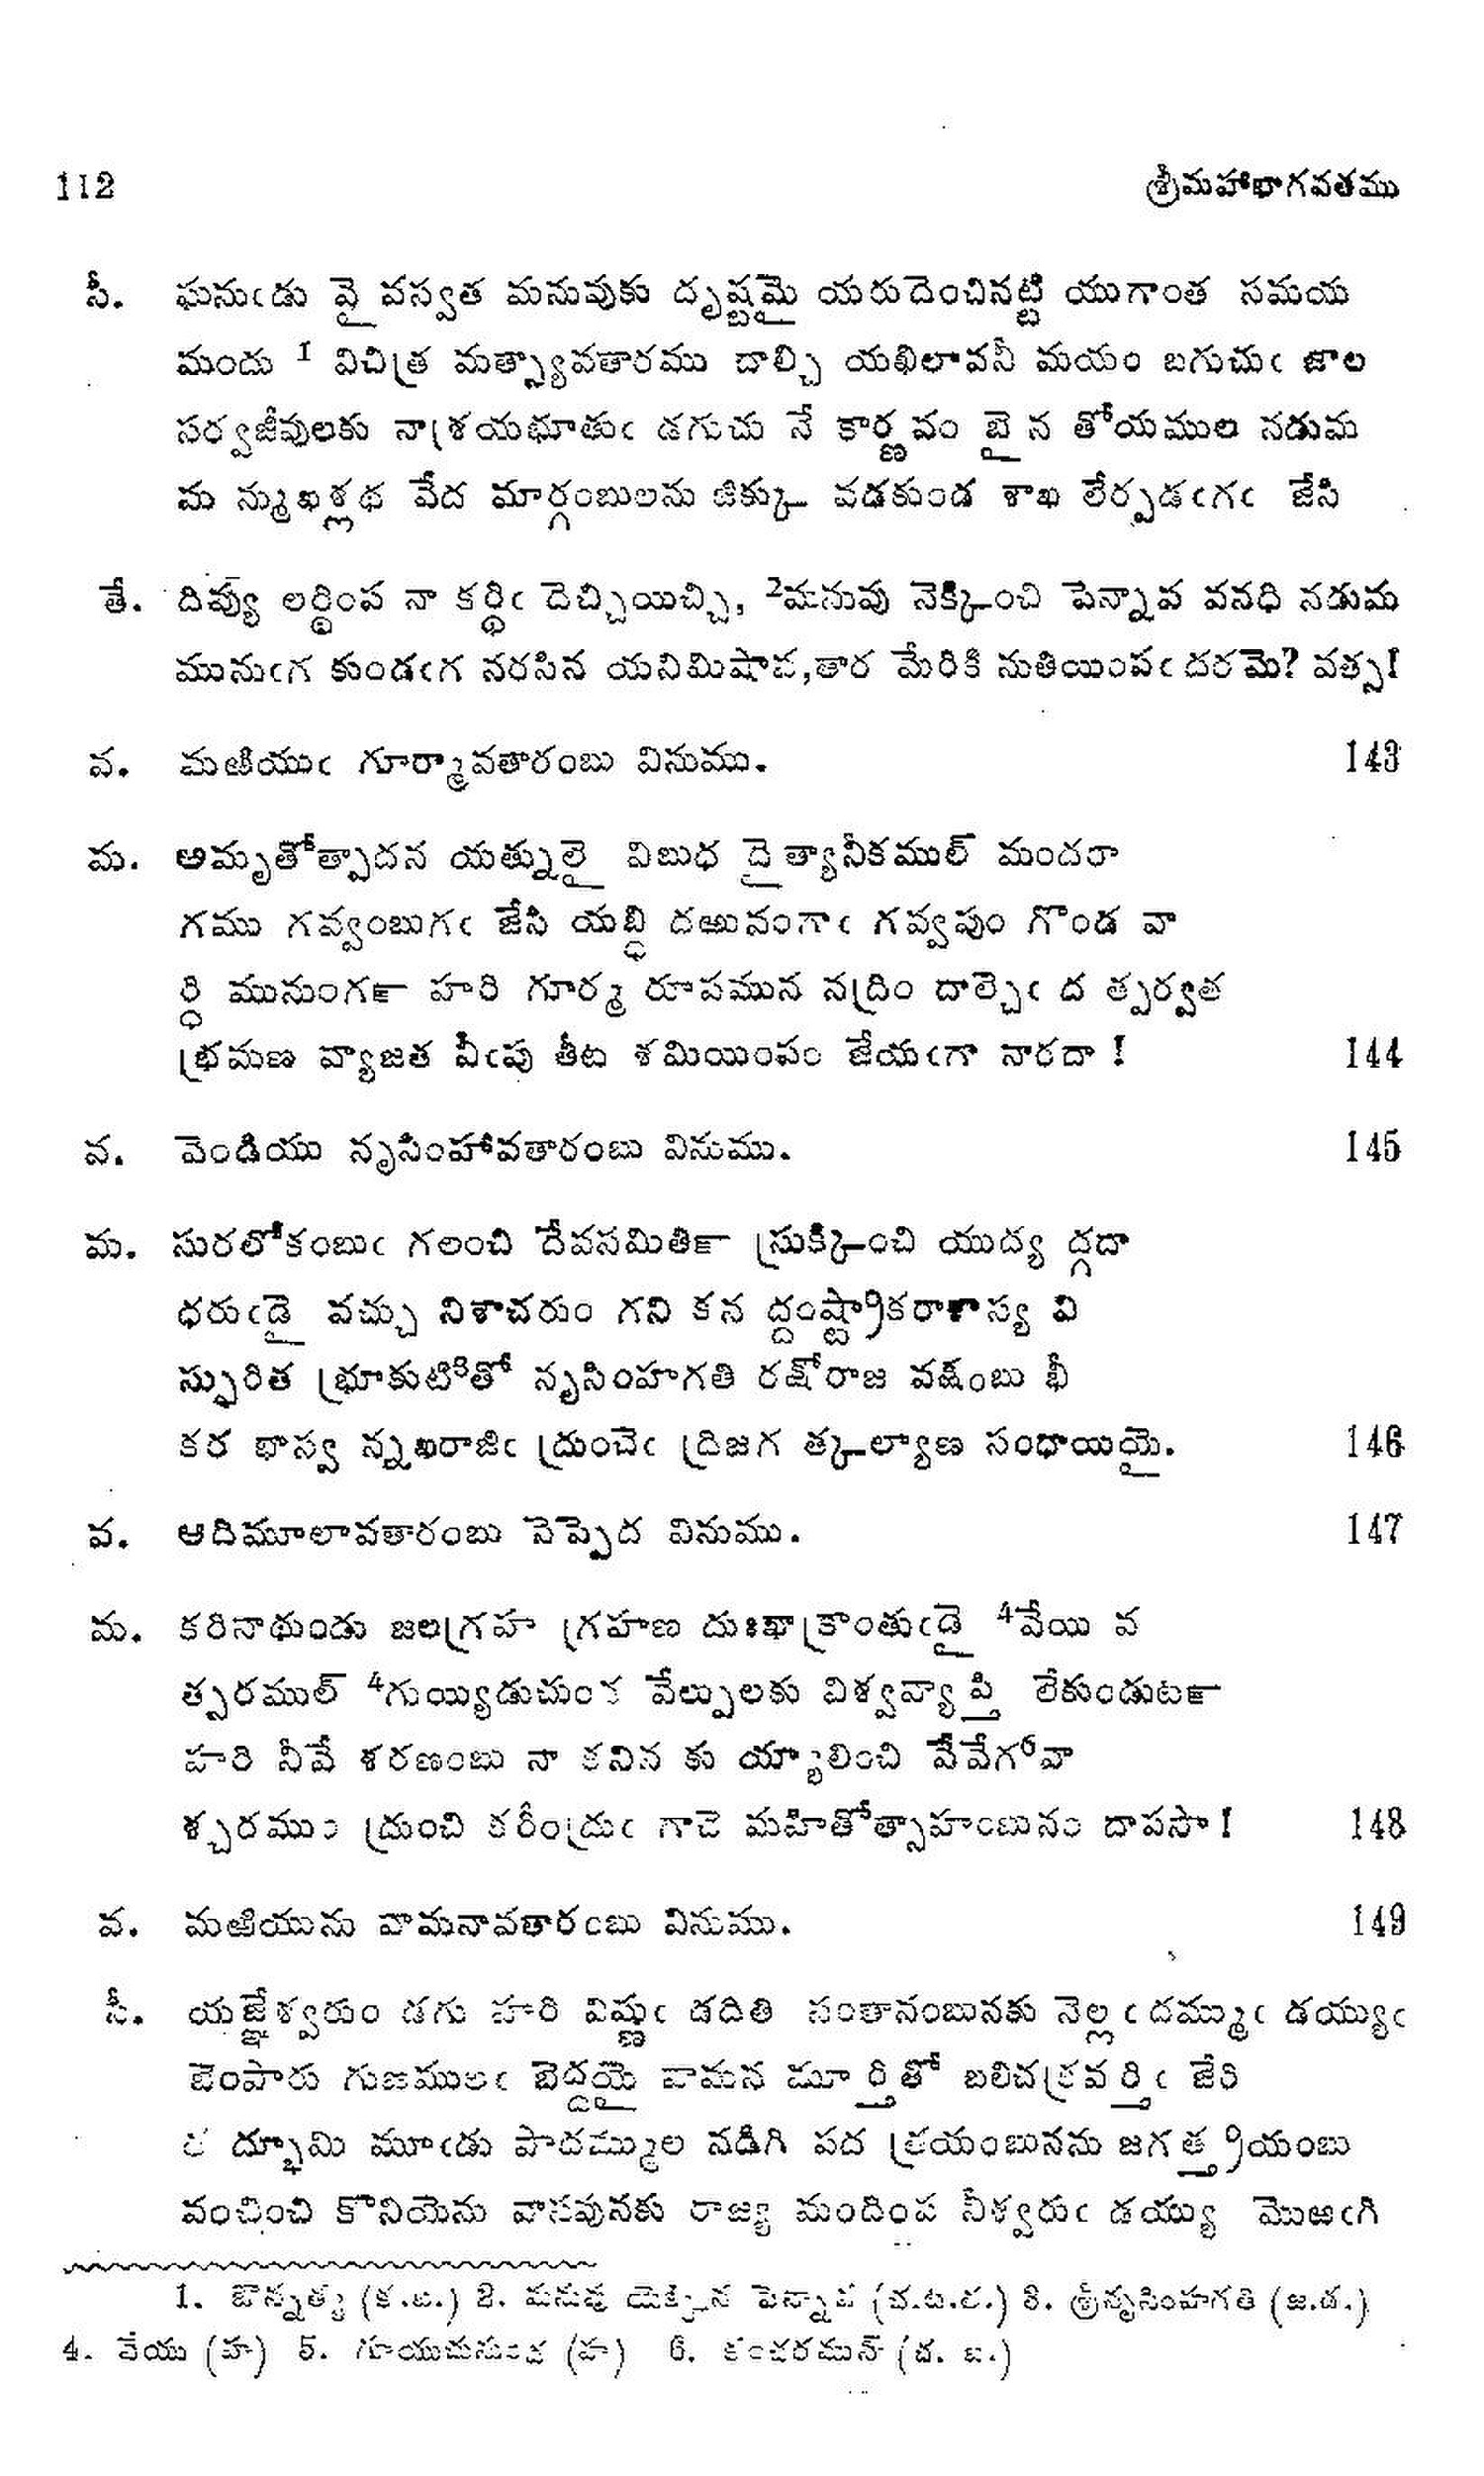112

సీ. ఘనుడు వైవస్వత మనువుకు దృష్టమై యరుదెంచినట్టి యుగాంత సమయ

మందు విచిత్ర మత్స్యావతారము దాల్చి యఖిలావనీ మయం బగుచుఁజాల

సర్వజీవులకు నాశ్రయభూతుఁ డగుచు నే కార్ణవం బైన తోయముల నడుమ 

మ న్ముఖశ్లథ వేద మార్గంబులను జిక్కు వడకుండ శాఖ లేర్పడఁగఁ జేసి

తే. దివ్యు లర్ధింప నా కర్థిఁ దెచ్చియిచ్చి, మనువు నెక్కించి పెన్నా వ వనధి నడుమ 

మునుఁగ కుండఁగ నరసిన యనిమిషావ, తార మేరికి నుతియింపఁదరమె? వత్స! ( 142 )

వ. మఱియుఁ గూర్మావతారంబు వినుము. ( 143 )

మ. అమృతోత్పాదన యత్నులై విబుధ దైత్యానీకముల్ మందరా

గము గవ్వంబుగఁ జేసి యబ్ధి దఱువంగాఁ గవ్వపుం గొండ వా

ర్ధి మునుంగన్ హరి గూర్మ రూపమున నద్రిం దాల్చెఁద త్పర్వత

భ్రమణ వ్యాజత వీఁపు తీట శమియింప జేయఁగా నారదా! ( 144 )

వ. వెండియు నృసింహావతారంబు వినుము. ( 145 )

మ. సురలోకంబుఁ గలంచి దేవసమితిన్ స్రుక్కించి యుద్య ద్గదా

ధరుఁడై వచ్చు నిశాచరుం గని కన ద్దంష్ట్రాకరాళాస్య వి 

స్ఫురిత భ్రూకుటితో నృసింహగతి రక్షోరాజ వక్షంబు భీ

కర భాస్వ న్నఖరాజిఁ ద్రుంచెఁ ద్రిజగ త్కల్యాణ సంధాయియై. ( 146 )

వ. ఆదిమూలావతారంబు సెప్పెద వినుము. ( 147 )

మ. కరినాథుండు జలగ్రహ గ్రహణ దు:ఖాక్రాంతుఁడై వేయి వ

త్సరముల్ గుయ్యిడుచుండ వేల్పులకు విశ్వవ్యాప్తి లేకుండుటన్

హరి నీవే శరణంబు నా కనిన కు య్యాలించి వేవేగ వా

శ్చరముం ద్రుంచి కరీంద్రుఁ గాచె మహితోత్సాహంబునం దాపసా! ( 148 )

వ. మఱియును వామనావతారంబు వినుము. ( 149 )

సీ. యజ్ఞేశ్వరుం డగు హరి విష్ణుఁ డదితి సంతానంబునకు నెల్లఁదమ్ముఁడయ్యుఁ

బెంపారు గుణములఁ బెద్దయె వామన మూర్తితో బలిచక్రవర్తిఁ జేరి

త ద్భూమి మూఁడు పాదమ్ముల నడిగి పద త్రయంబునను జగత్త్రయంబు

వంచించి కొనియెను వాసవునకు రాజ్య మందింప నీశ్వరుఁ దయ్యు మొఱఁగి